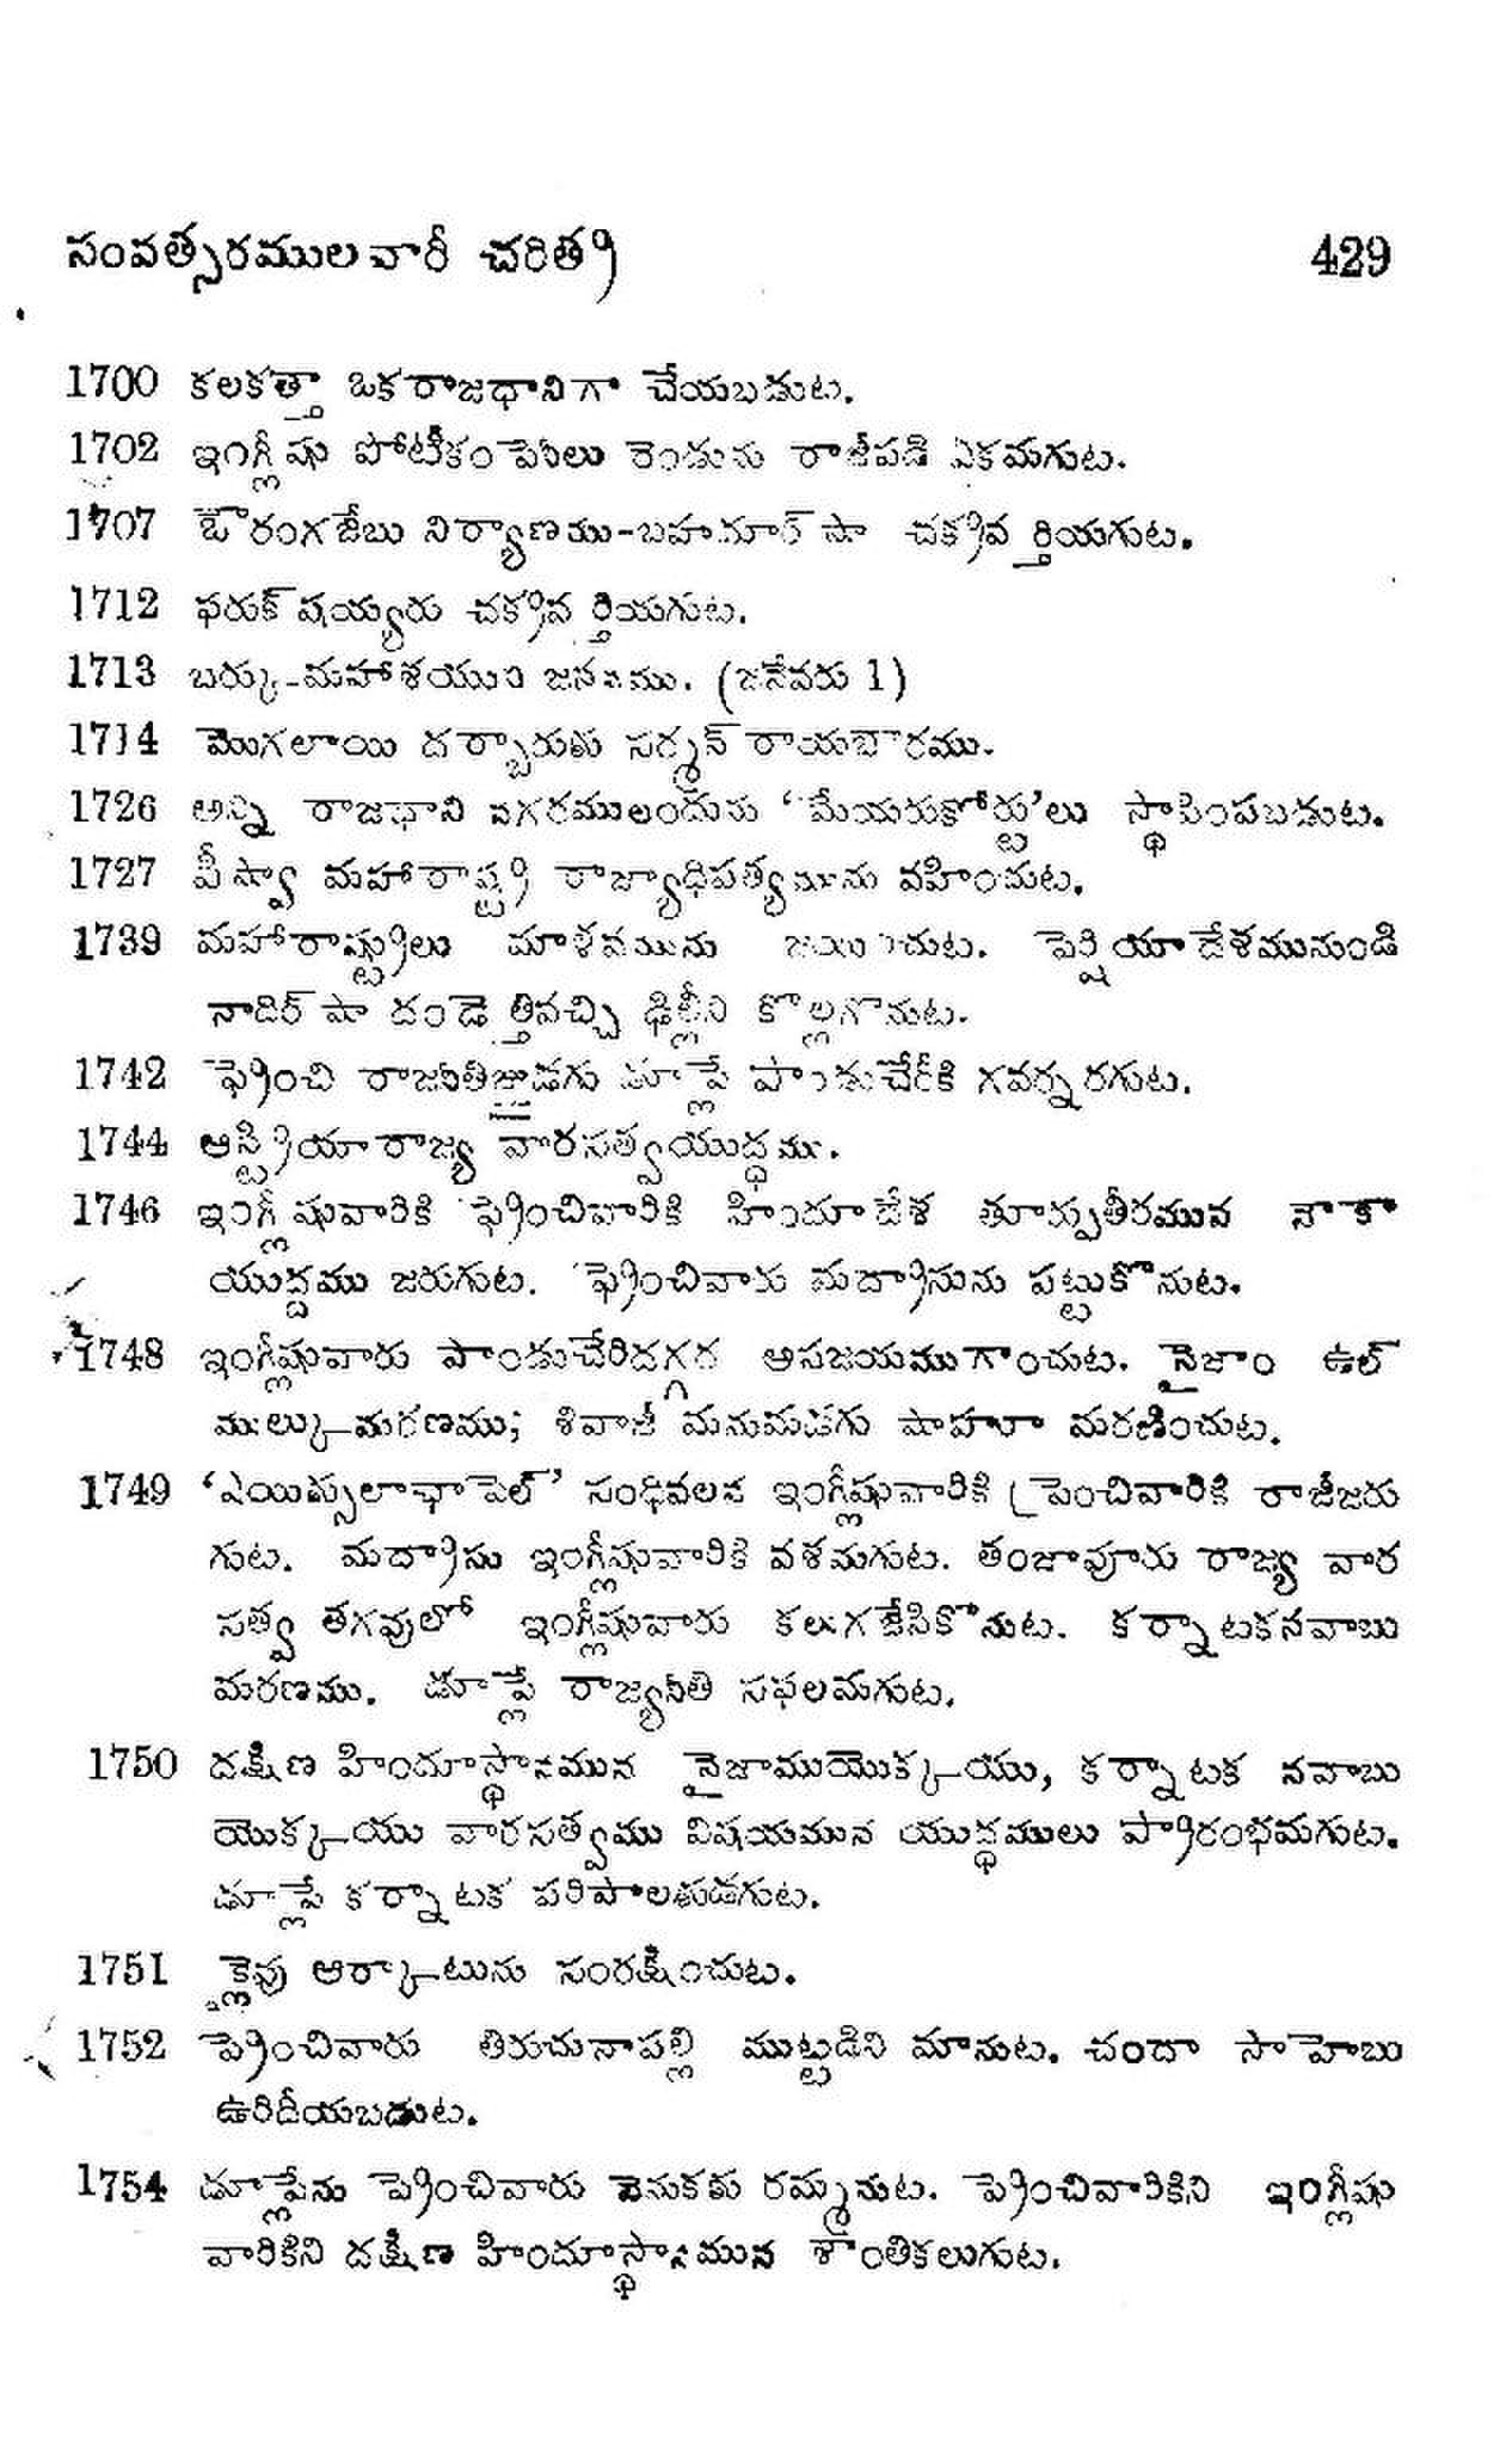1700 కలకత్తా ఒక రాజధానిగా చేయబడుట. 

1702 ఇంగ్లీషు పోటీకంపెనీలు రెండును రాజీపడి ఏకమగుట. 

1707 ఔరంగజేబు నిర్యాణము-బహదూర్ షా చక్రవర్తియగుట. 

1712 ఫరుక్‌ షయ్యరు చక్రవర్తియగుట. 

1713 బర్కు మహాశయుని జననము. (జనేవరు 1) 

1714 మొగలాయి దర్బారుకు సర్మన్ రాయబారము. 

1726 అన్ని రాజధాని నగరములందుసు 'మేయరు కోర్టు'లు స్థాపింపబడుట. 

1727 పీష్వా మహారాష్ట్ర రాజ్యాధిపత్యమును వహించుట. 

1739 మహారాష్ట్రులు మాళవమును జయించుట. పెర్షియా దేశమునుండి నాదిర్ షా దండెత్తివచ్చి ఢిల్లీని కొల్లగొనుట. 

1742 ఫ్రెంచి రాజనీతిజ్ఞుడగు డూప్లే పాండుచేరీకి గవర్నరగుట. 

1744 ఆస్ట్రియా రాజ్య వారసత్వయుద్ధము. 

1746 ఇంగ్లీషువారికి ఫ్రెంచివారికి హిందూదేశ తూర్పుతీరమున నౌకాయుద్ధము జరుగుట. ఫ్రెంచివారు మద్రాసును పట్టుకొనుట. 

1748 ఇంగ్లీషువారు పాండుచేరిదగ్గర అపజయముగాంచుట. నైజాం ఉల్ ముల్కు మరణము; శివాజీ మనుమడగు షాహూ మరణించుట. 

1749 'ఎయిక్సులాఛాపెల్' సంధివలన ఇంగీషువారికి ఫ్రెంచివారికి రాజీజరుగుట. మద్రాసు ఇంగ్లీషువారికి వశమగుట. తంజావూరు రాజ్య వారసత్వ తగవులో ఇంగ్లీషువారు కలుగజేసికొనుట, కర్నాటకనవాబు మరణము. డూప్లే రాజ్యనీతి సఫలమగుట. 

1750 దక్షిణ హిందూస్థానమున నైజాముయొక్కయు, కర్నాటక నవాబు యొక్కయు వారసత్వము విషయమున యుద్ధములు ప్రారంభమగుట. డూప్లే కర్నాటక పరిపాలకుడగుట. 

1751 క్లైవు ఆర్కాటును సంరక్షించుట. 

1752 ఫ్రెంచివారు తిరుచునాపల్లి ముట్టడిని మానుట, చందా సాహెబు ఉరిదీయబడుట. 

1754 డూప్లేను ఫ్రెంచివారు వెనుకకు రమ్మనుట. ఫ్రెంచివారికిని ఇంగ్లీషువారికిని దక్షిణ హిందూస్థానమున శాంతికలుగుట,